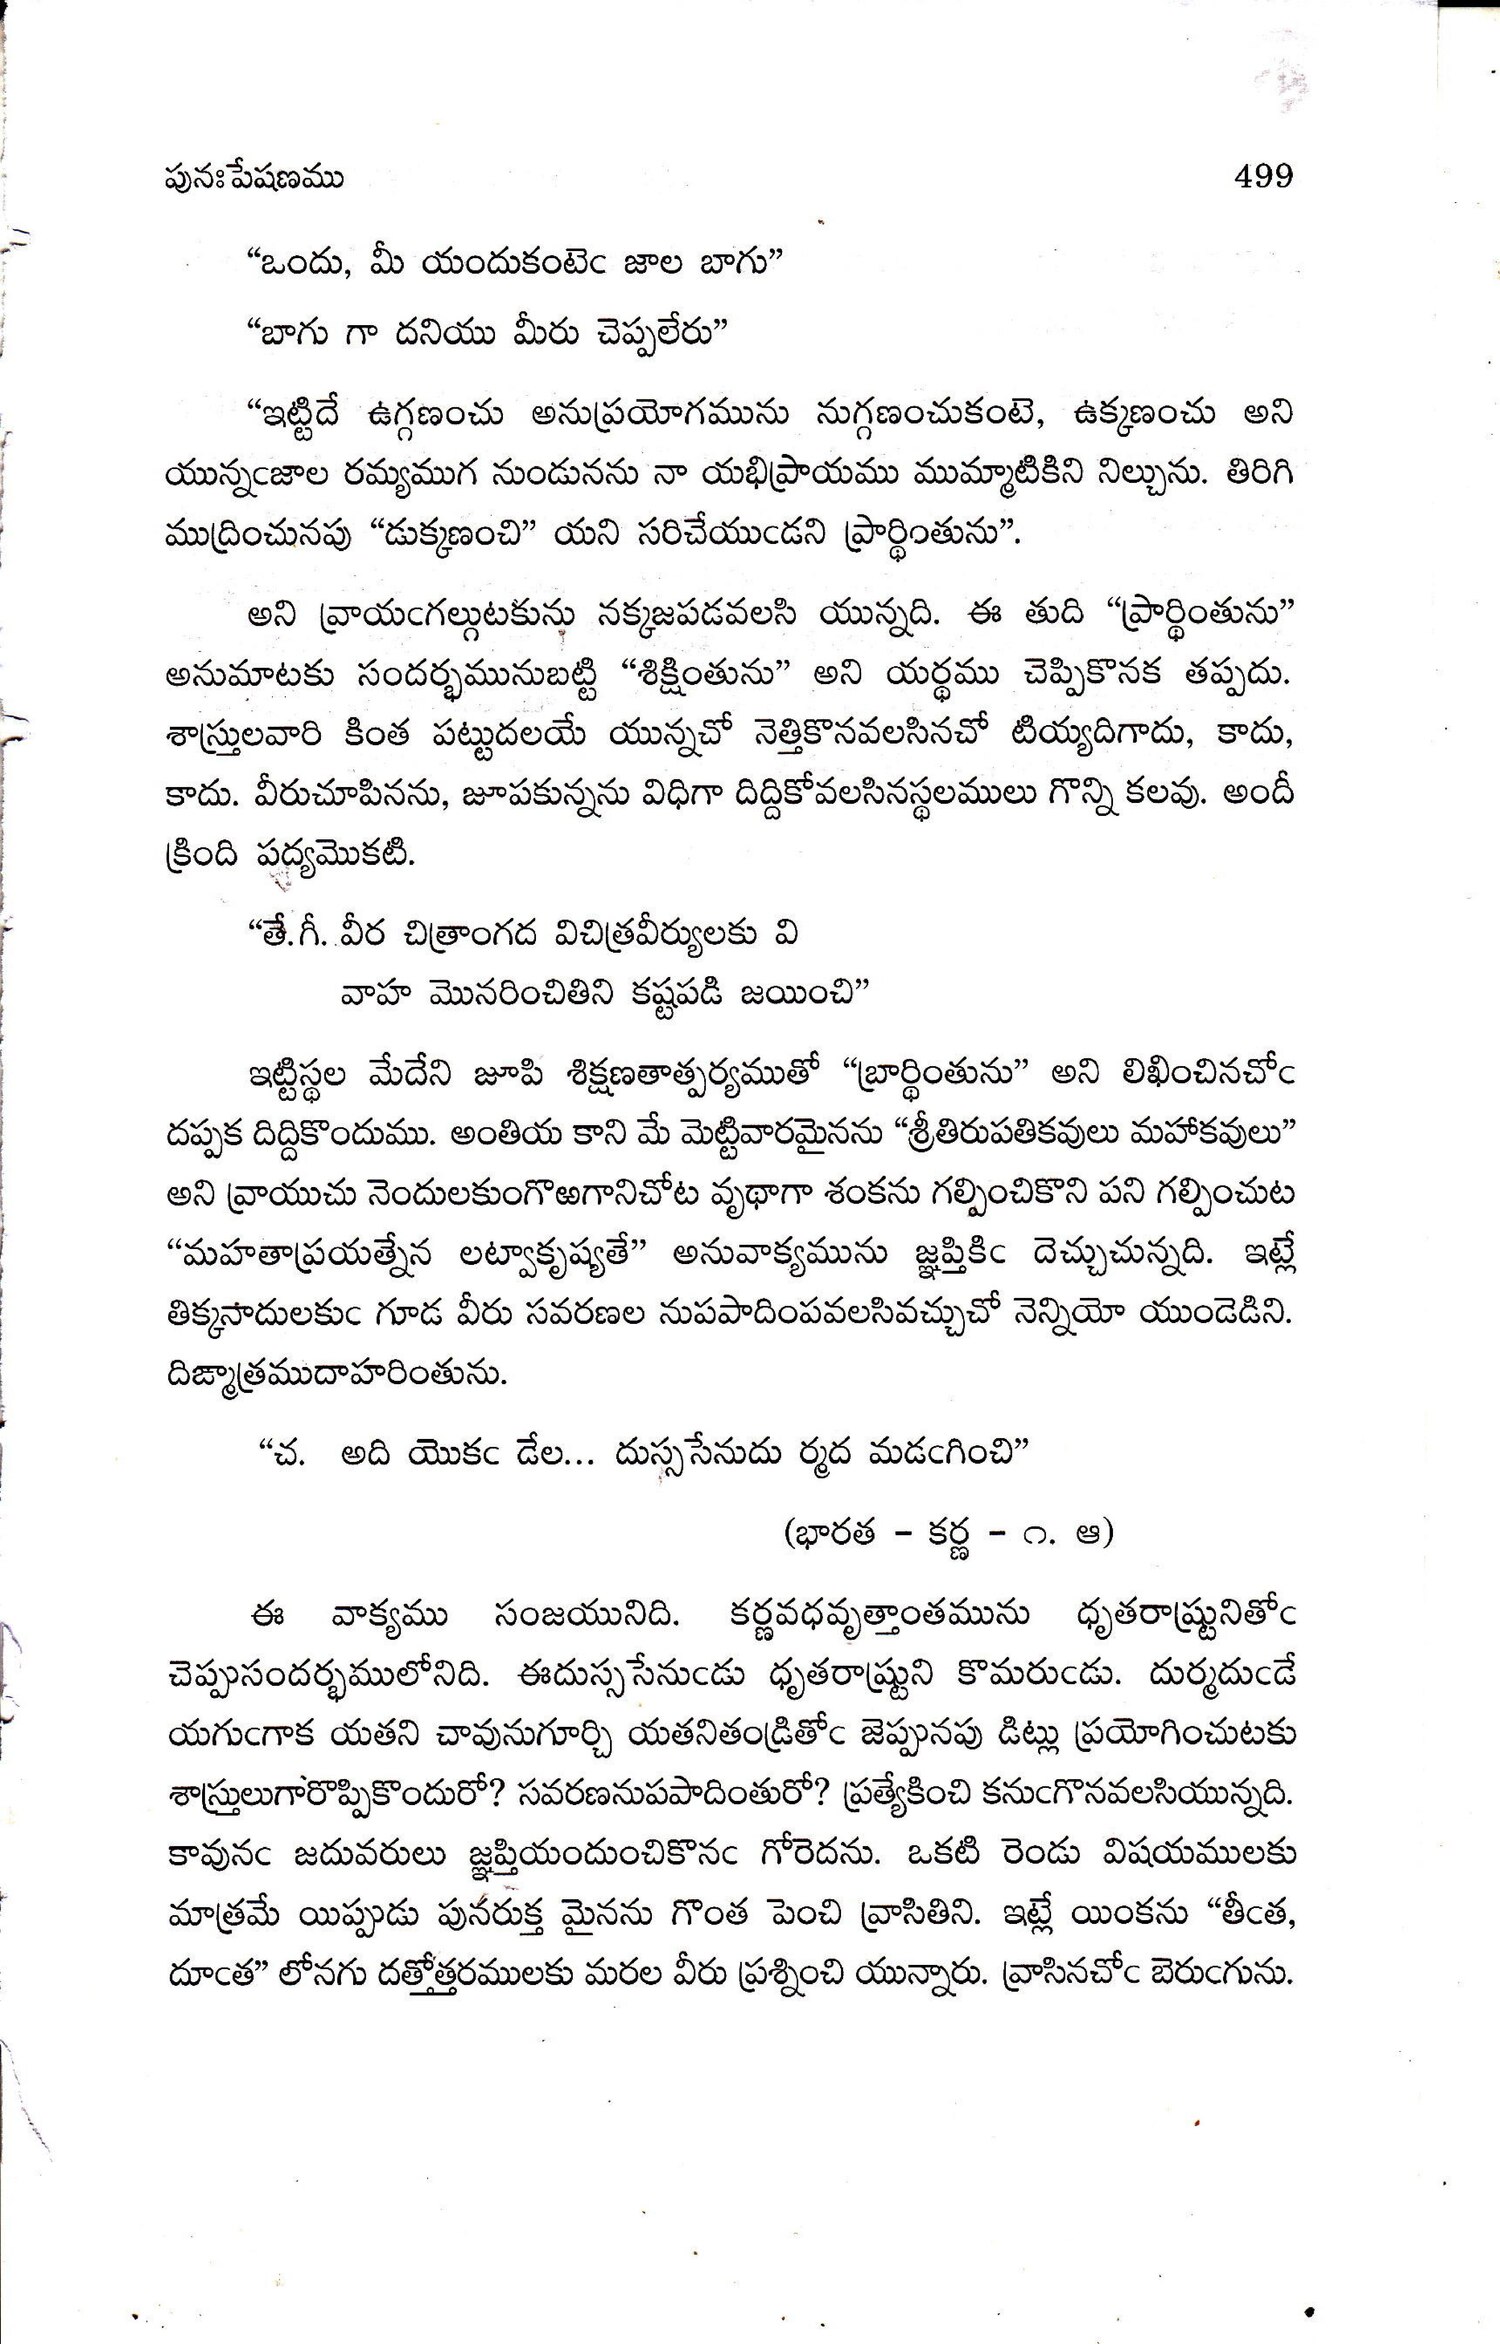“ఒందు, మీ యందుకంటెఁ జాల బాగు" 
“బాగు గా దనియు మీరు చెప్పలేరు"
"ఇట్టిదే ఉగ్గణంచు అనుప్రయోగమును నుగ్గణంచుకంటె, ఉక్కణంచు అని యున్నఁజాల రమ్యముగ నుండునను నా యభిప్రాయము ముమ్మాటికిని నిల్చును. తిరిగి ముద్రించునపు "డుక్కణంచి" యని సరిచేయుఁడని ప్రార్థింతును".

అని వ్రాయఁగల్గుటకును నక్కజపడవలసి యున్నది. ఈ తుది “ప్రార్థింతును" అనుమాటకు సందర్భమునుబట్టి “శిక్షింతును" అని యర్ధము చెప్పికొనక తప్పదు. శాస్త్రులవారి కింత పట్టుదలయే యున్నచో నెత్తికొనవలసినచో టియ్యదిగాదు, కాదు, కాదు. వీరుచూపినను, జూపకున్నను విధిగా దిద్దికోవలసినస్థలములు గొన్ని కలవు. అందీ క్రింది పద్యమొకటి.

“తే. గీ. వీర చిత్రాంగద విచిత్రవీర్యులకు వి
 వాహ మొనరించితిని కష్టపడి జయించి"
ఇట్టిస్థల మేదేని జూపి శిక్షణతాత్పర్యముతో "బ్రార్థింతును" అని లిఖించినచోఁ దప్పక దిద్దికొందుము. అంతియ కాని మే మెట్టివారమైనను "శ్రీతిరుపతికవులు మహాకవులు" అని వ్రాయుచు నెందులకుంగొఱగానిచోట వృథాగా శంకను గల్పించికొని పని గల్పించుట “మహతాప్రయత్నేన లట్వాకృష్యతే" అనువాక్యమును జ్ఞప్తికిఁ దెచ్చుచున్నది. ఇట్లే తిక్కనాదులకుఁ గూడ వీరు సవరణల నుపపాదింపవలసివచ్చుచో నెన్నియో యుండెడిని. దిజ్మాత్రముదాహరింతును.

“చ. అది యొకఁ డేల... దుస్ససేనుదు ర్మద మడంగించి"
 (భారత - కర్ణ - 1. ఆ)
ఈ వాక్యము సంజయునిది. కర్ణవధవృత్తాంతమును ధృతరాష్రునితోఁ చెప్పుసందర్భములోనిది. ఈదుస్ససేనుఁడు ధృతరాష్రుని కొమరుఁడు. దుర్మదుఁడే యగుఁగాక యతని చావునుగూర్చి యతనితండ్రితోఁ జెప్పనపు డిట్లు ప్రయోగించుటకు శాస్త్రులుగారొప్పికొందురో? సవరణనుపపాదింతురో? ప్రత్యేకించి కనుఁగొనవలసియున్నది. కావునఁ జదువరులు జ్ఞప్తియందుంచికొనఁ గోరెదను. ఒకటి రెండు విషయములకు మాత్రమే యిప్పుడు పునరుక్త మైనను గొంత పెంచి వ్రాసితిని. ఇట్లే యింకను “తీఁత, దూఁత" లోనగు దత్తోత్తరములకు మరల వీరు ప్రశ్నించి యున్నారు. వ్రాసినచోఁ బెరుఁగును.